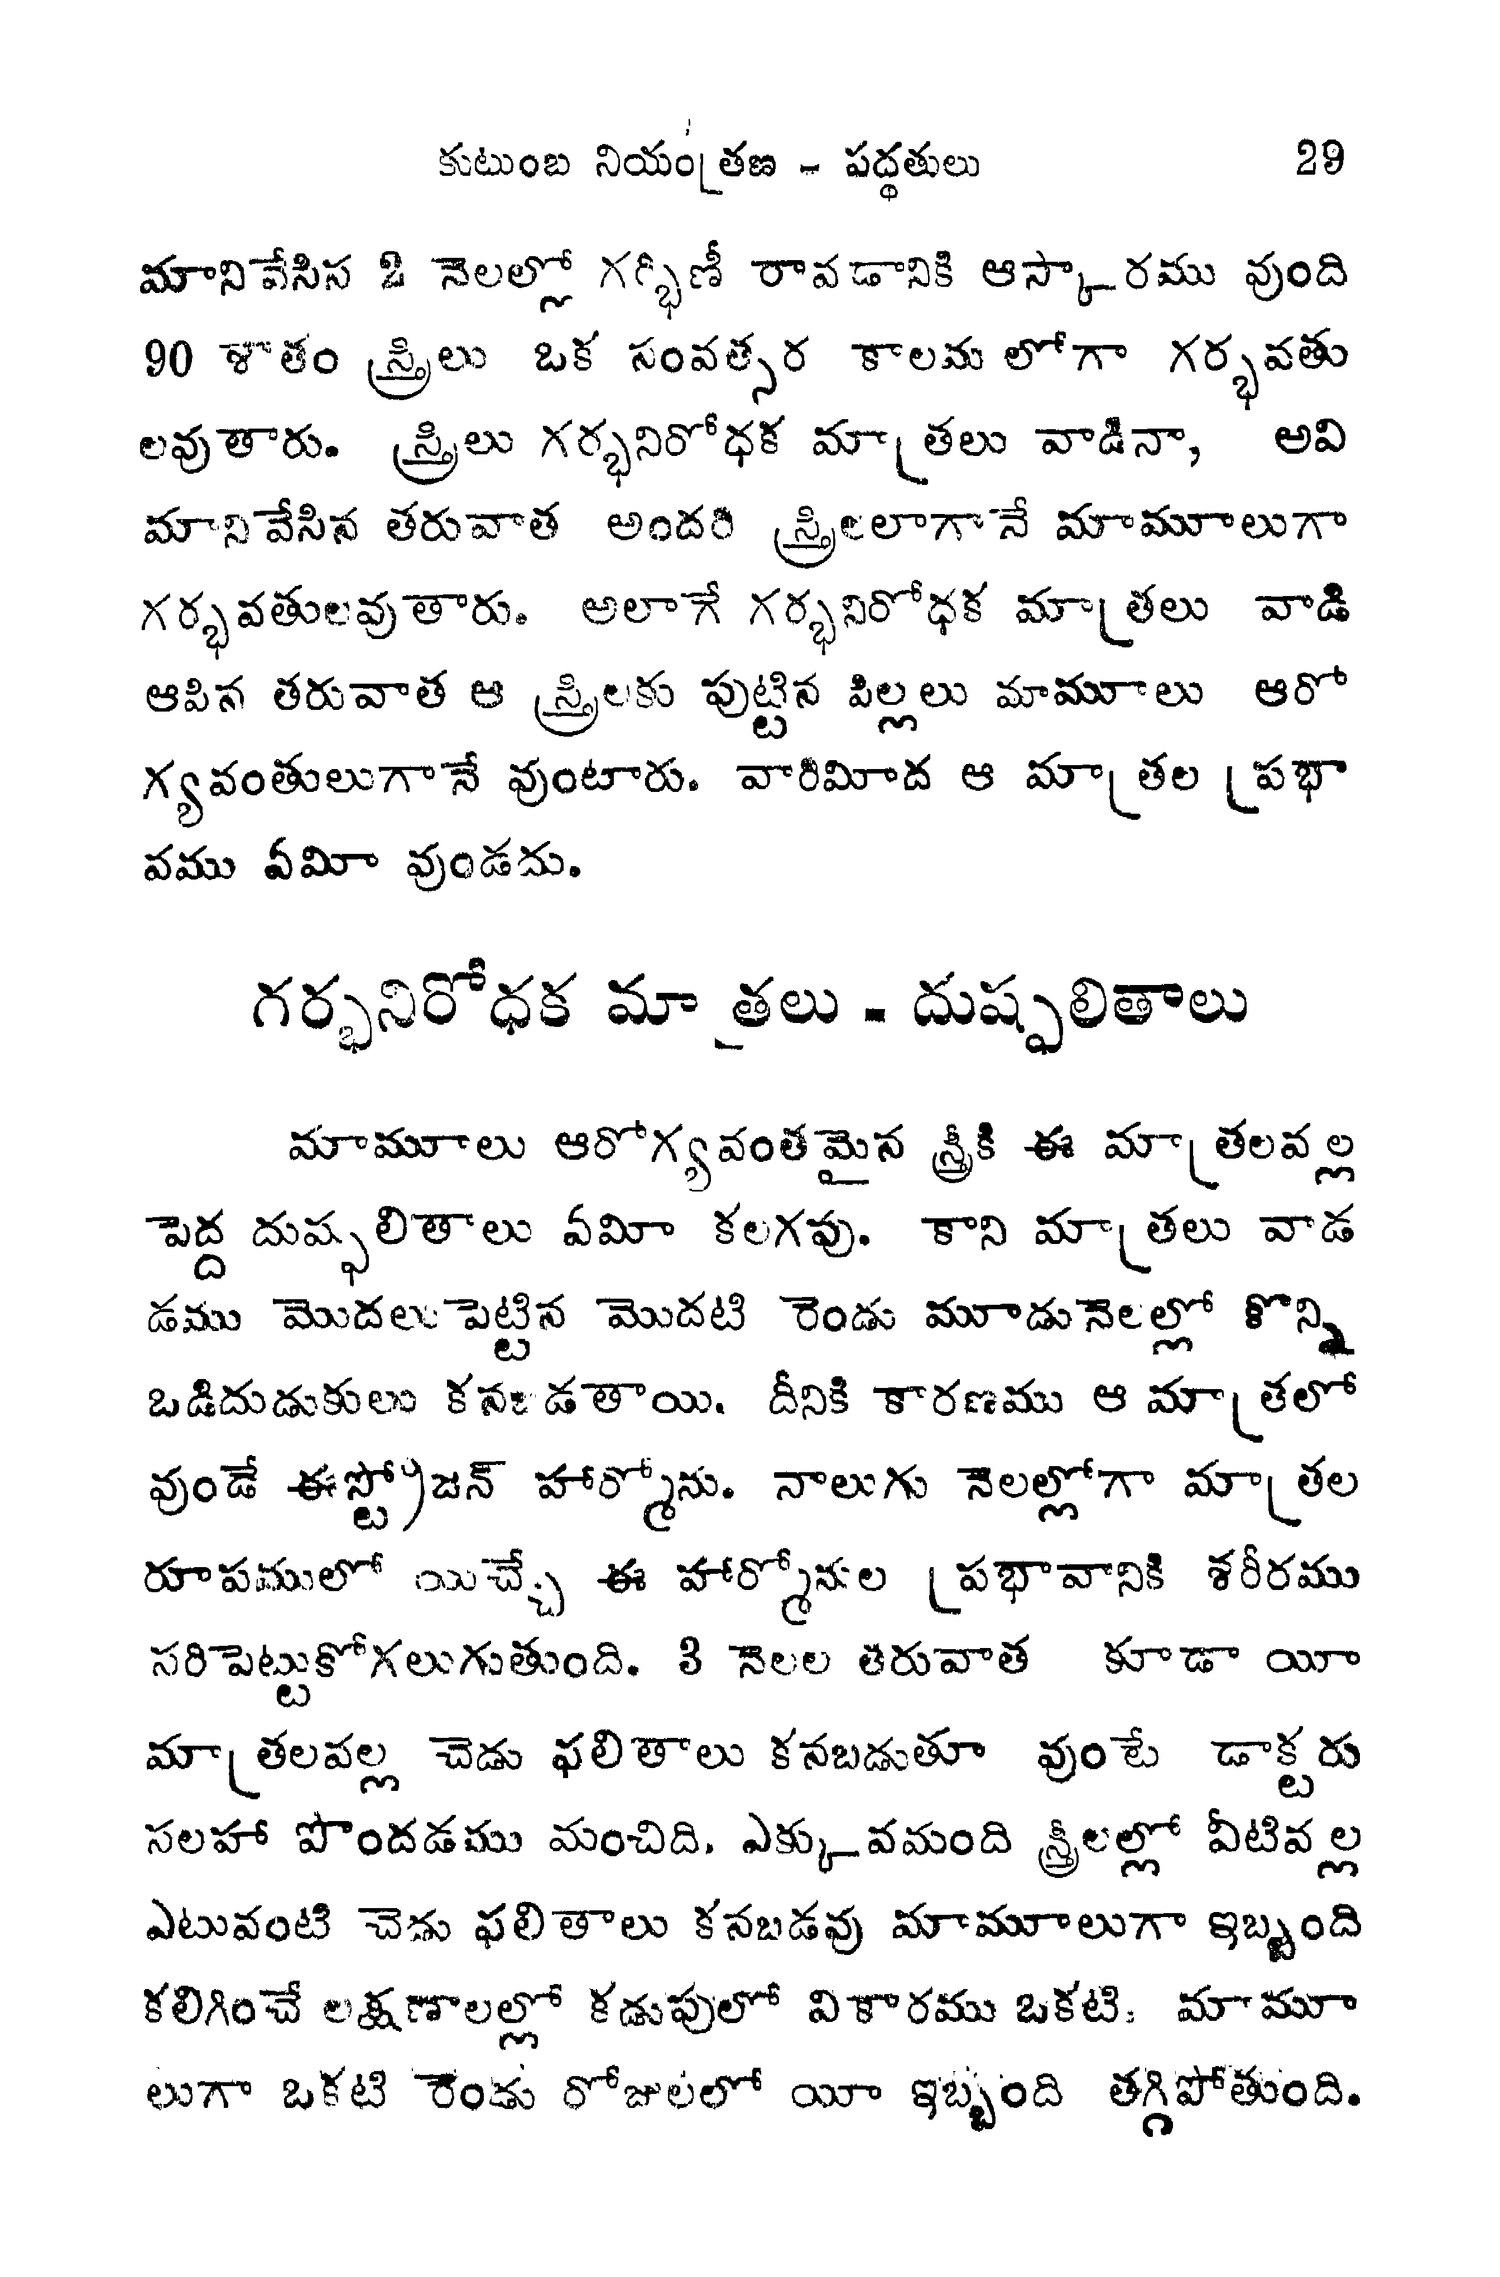మానివేసిన 2 నెలల్లో గర్భిణీ రావడానికి ఆస్కారము వుంది 90 శాతం స్త్రీలు ఒక సంవత్సర కాలము లోగా గర్భవత్రులవుతారు. స్త్రీలు గర్భనిరోధక మాత్రలు వాడినా, అవి మానివేసిన తరువాత అందరి స్త్రీలలాగానే మామూలుగా గర్భవతులవుతారు. అలాగే గర్భనిరోధక మాత్రలు వాడి ఆపిన తరువాత ఆ స్త్రీలకు పుట్టిన పిల్లలు మామూలు ఆరొగ్యవంతులుగానే వుంటారు. వారిమీద ఆ మాత్రల ప్రభావము ఏమీ వుండదు.

మామూలు ఆరోగ్యవంతమైన స్త్రీకి ఈ మాత్రలవల్ల పెద్ద దుష్ఫలితాలు ఏమీ కలగవు. కాని మాత్రలు వాడడము మొదలు పెట్టిన మొదటి రెండు మూడునలల్లో కొన్ని ఒడిదుడుకులు కనపడతాయి. దీనికి కారణము ఆ మాత్రలో వుండే ఈస్ట్రోజన్ హార్మోను. నాలుగు నెలల్లోగా మాత్రల రూపములో యిచ్చే ఈ హార్మోనుల ప్రభావానికి శరీరము సరిపెట్టు కోగలుగుతుంది. 3 నెలల తరువాత కూడా యీ మాత్రలవల్ల చెడు ఫలితాలు కనబడుతూ వుంటే డాక్టరు సలహా పొందడము మంచిది. ఎక్కువమంది స్త్రీలల్లో వీటివల్ల ఎటువంటి చెడు ఫలితాలు కనబడవు మామూలుగా ఇబ్బంది కలిగించే లక్షనాలల్లో కడుపులో వికారము ఒకటి మామూలుగా ఒకటి రెండు రోజులలో యీ ఇబ్బంది తగ్గిపోతుంది.